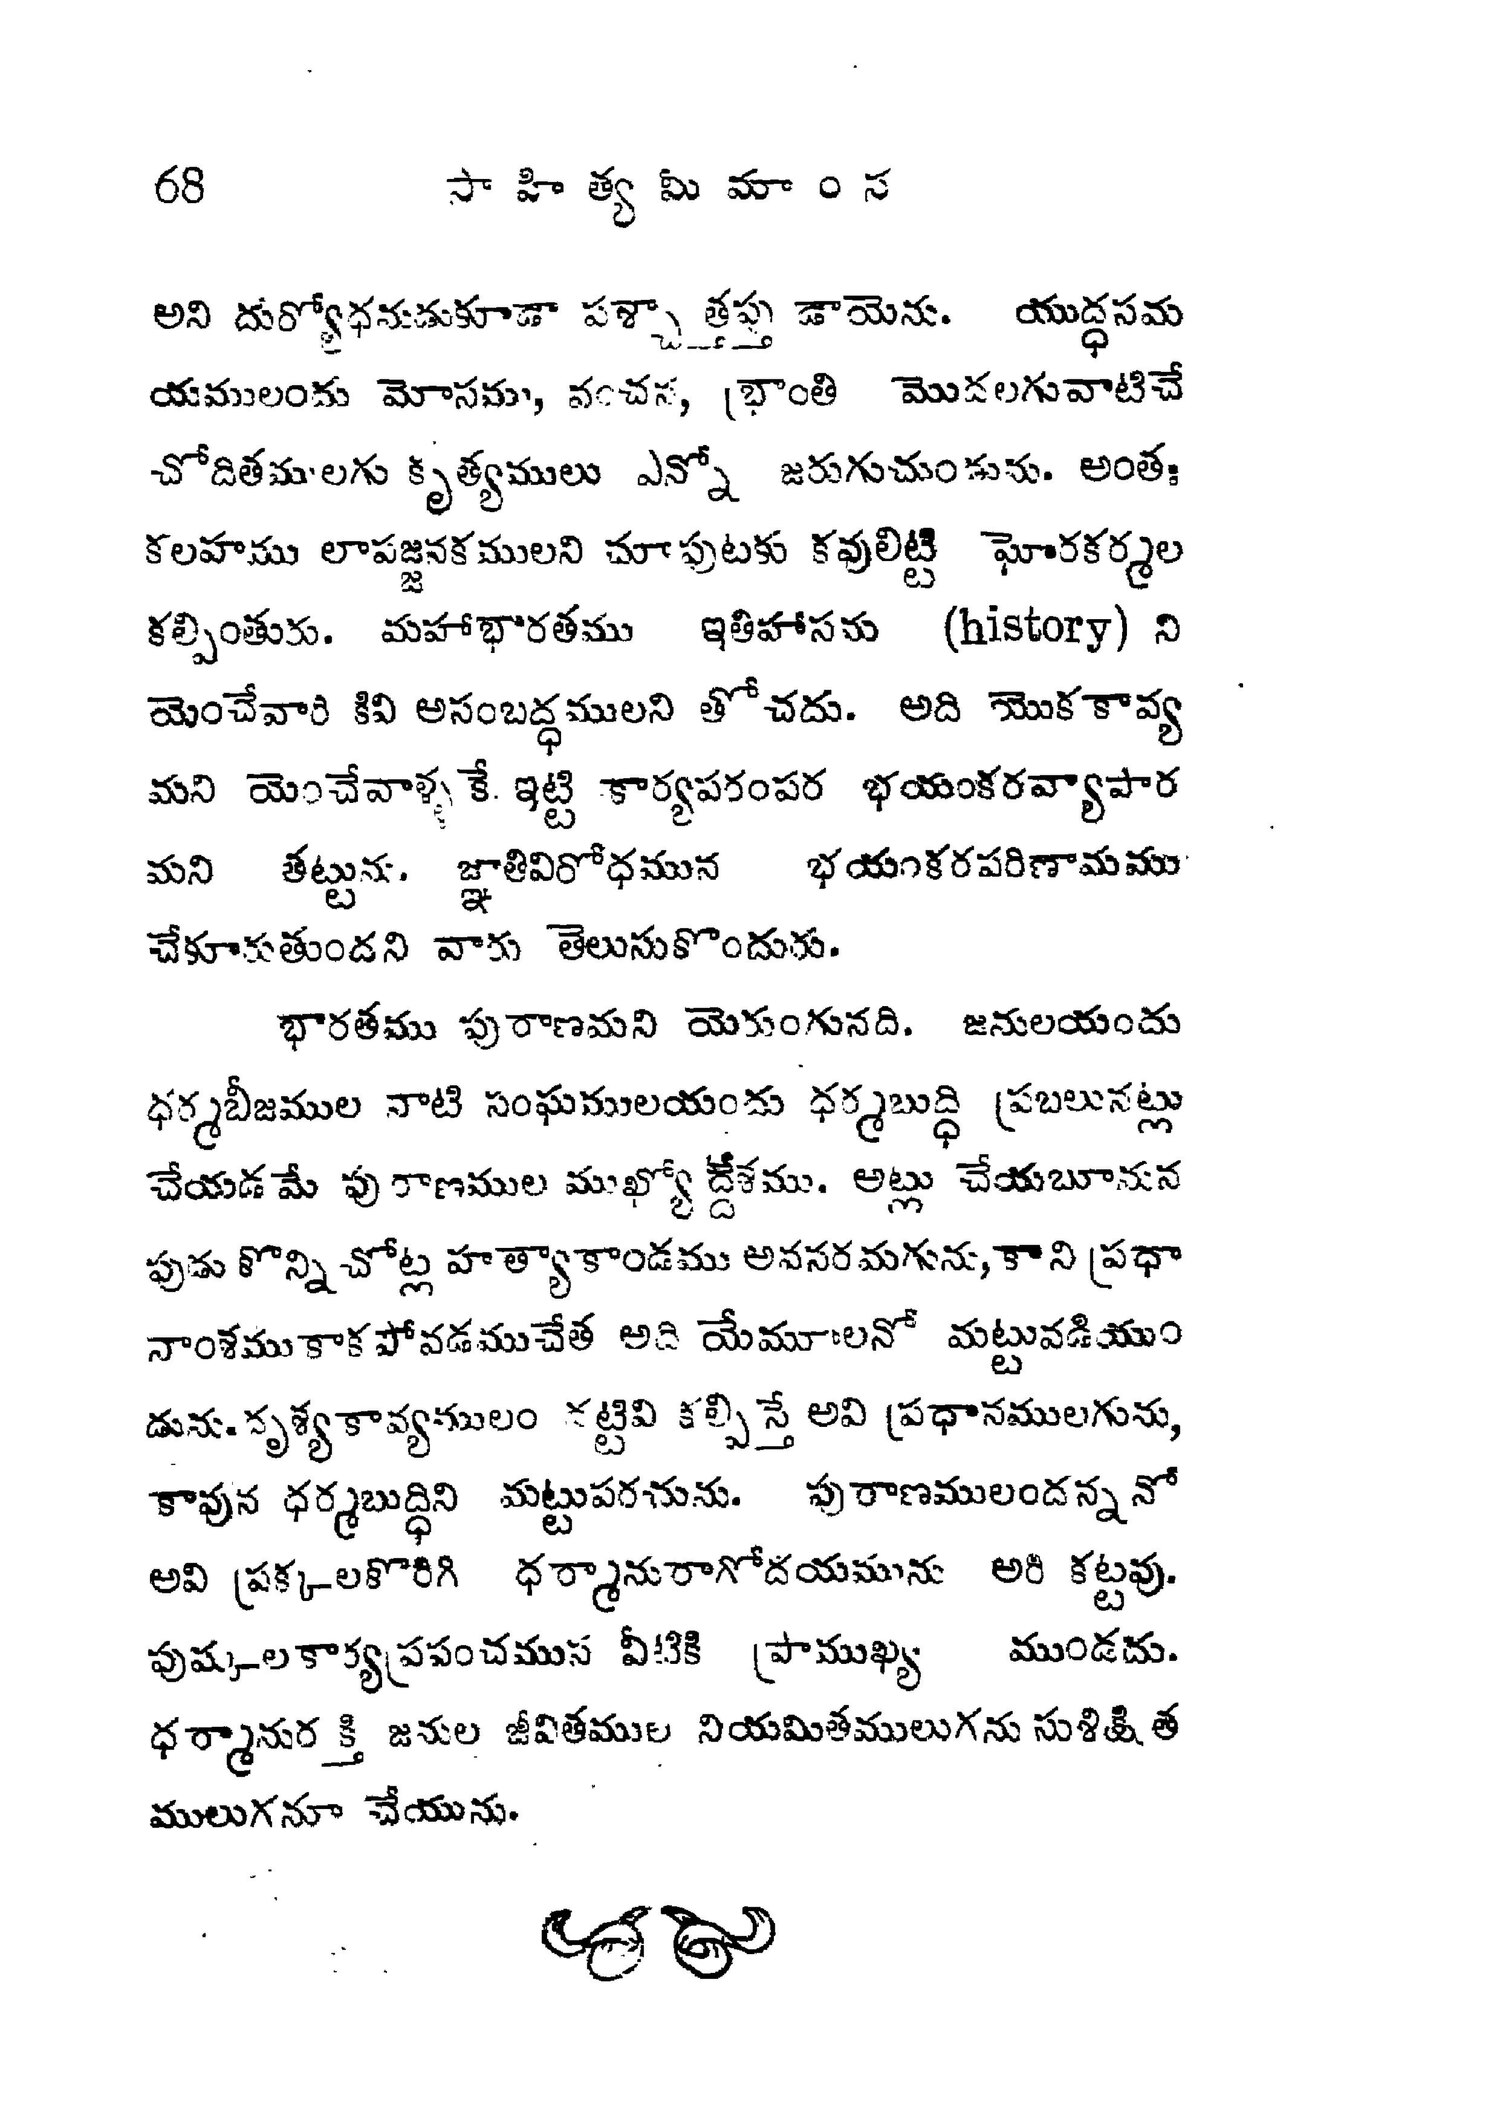అని దుర్యోధనుడుకూడా పశ్చాత్తప్తు డాయెను. యుద్ధసమయములందు మోసము, వంచన, భ్రాంతి మొదలగువాటిచే చోదితములగు కృత్యములు ఎన్నో జరుగుచుండును. అంత:కలహము లాపజ్జనకములని చూపుటకు కవులిట్టి ఘోరకర్మల కల్పింతురు. మహాభారతము ఇతిహాసమ (History)ని యెంచేవారి కివి అసంబద్ధములని తోచదు. అది యొక కావ్యమని యెంచేవాళ్ళకే. ఇట్టి కార్యపరంపర భయంకరవ్యాపారమని తట్టును. జ్ఞాతివిరోధమున భయంకరపరిణామము చేకూరుతుందని వారు తెలుసుకొందురు.

భారతము పురాణమని యెరుంగునది. జనులయందు ధర్మబీజముల నాటి సంఘములయందు ధర్మబుద్ధి ప్రబలునట్లు చేయడమే పురాణముల ముఖ్యోద్దేశము. అట్లు చేయబూనునపుడు కొన్నిచోట్ల హత్యాకాండము అవసరమగును, కాని ప్రధానాంశము కాకపోవడముచేత అది యేమూలనో మట్టుపడియుండును. దృశ్యకావ్యములం దట్టివి కల్పిస్తే అవి ప్రదానములగును, కావున ధర్మబుద్ధిని మట్టుపరచును. పురాణములందన్నననో అవి ప్రక్కలకొరిగి ధర్మానురాగోదయమును అరి కట్టవు. పుష్కలకార్యప్రపంచమున వీటికి ప్రాముఖ్య ముండదు. ధర్మానురక్తి జనుల జీవితముల నియమితములుగను సుశిక్షితములుగనూ చేయును.